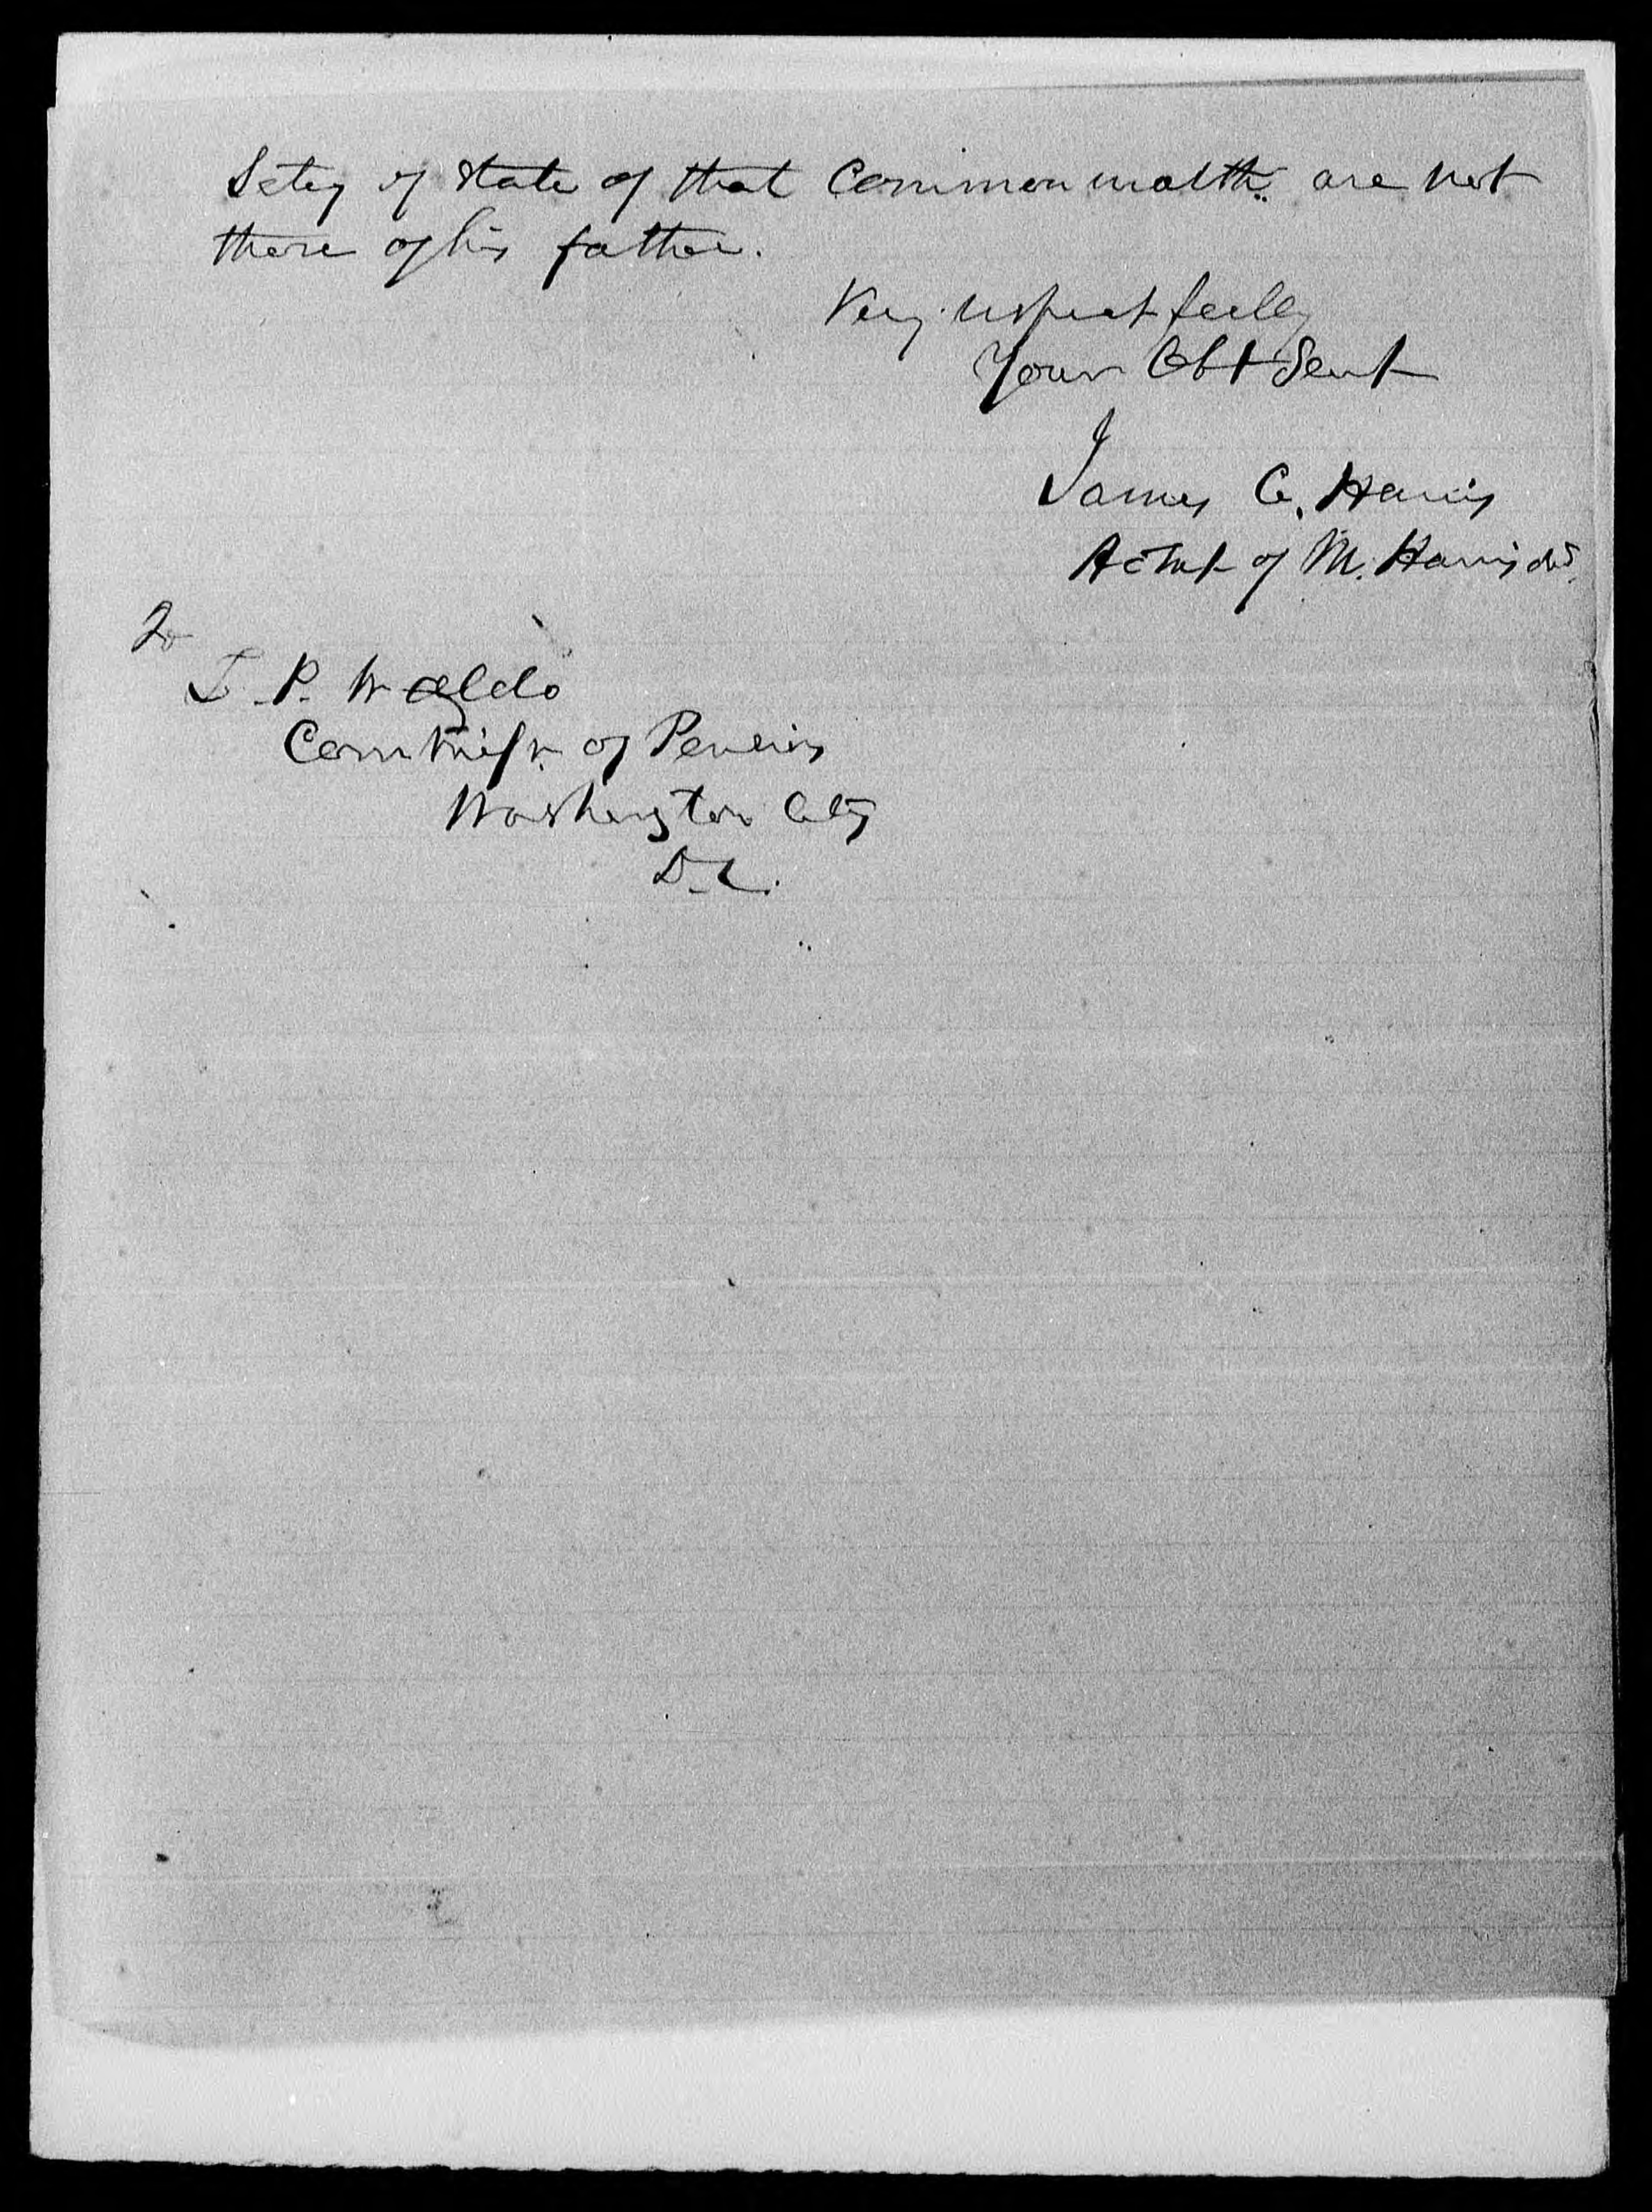Secty of State of the Commonwealth are not those of his father.
   Very Respectfully
Your Obt Servt
James G. Harris
[?] of M. Harris des


To
L. P. Waldo
Commisn of Pensions
Washington City 
D.C.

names: James C Harris, M Harris, L P Waldo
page: 17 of 160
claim: rejected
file: R. 4666, James Harris, Va.